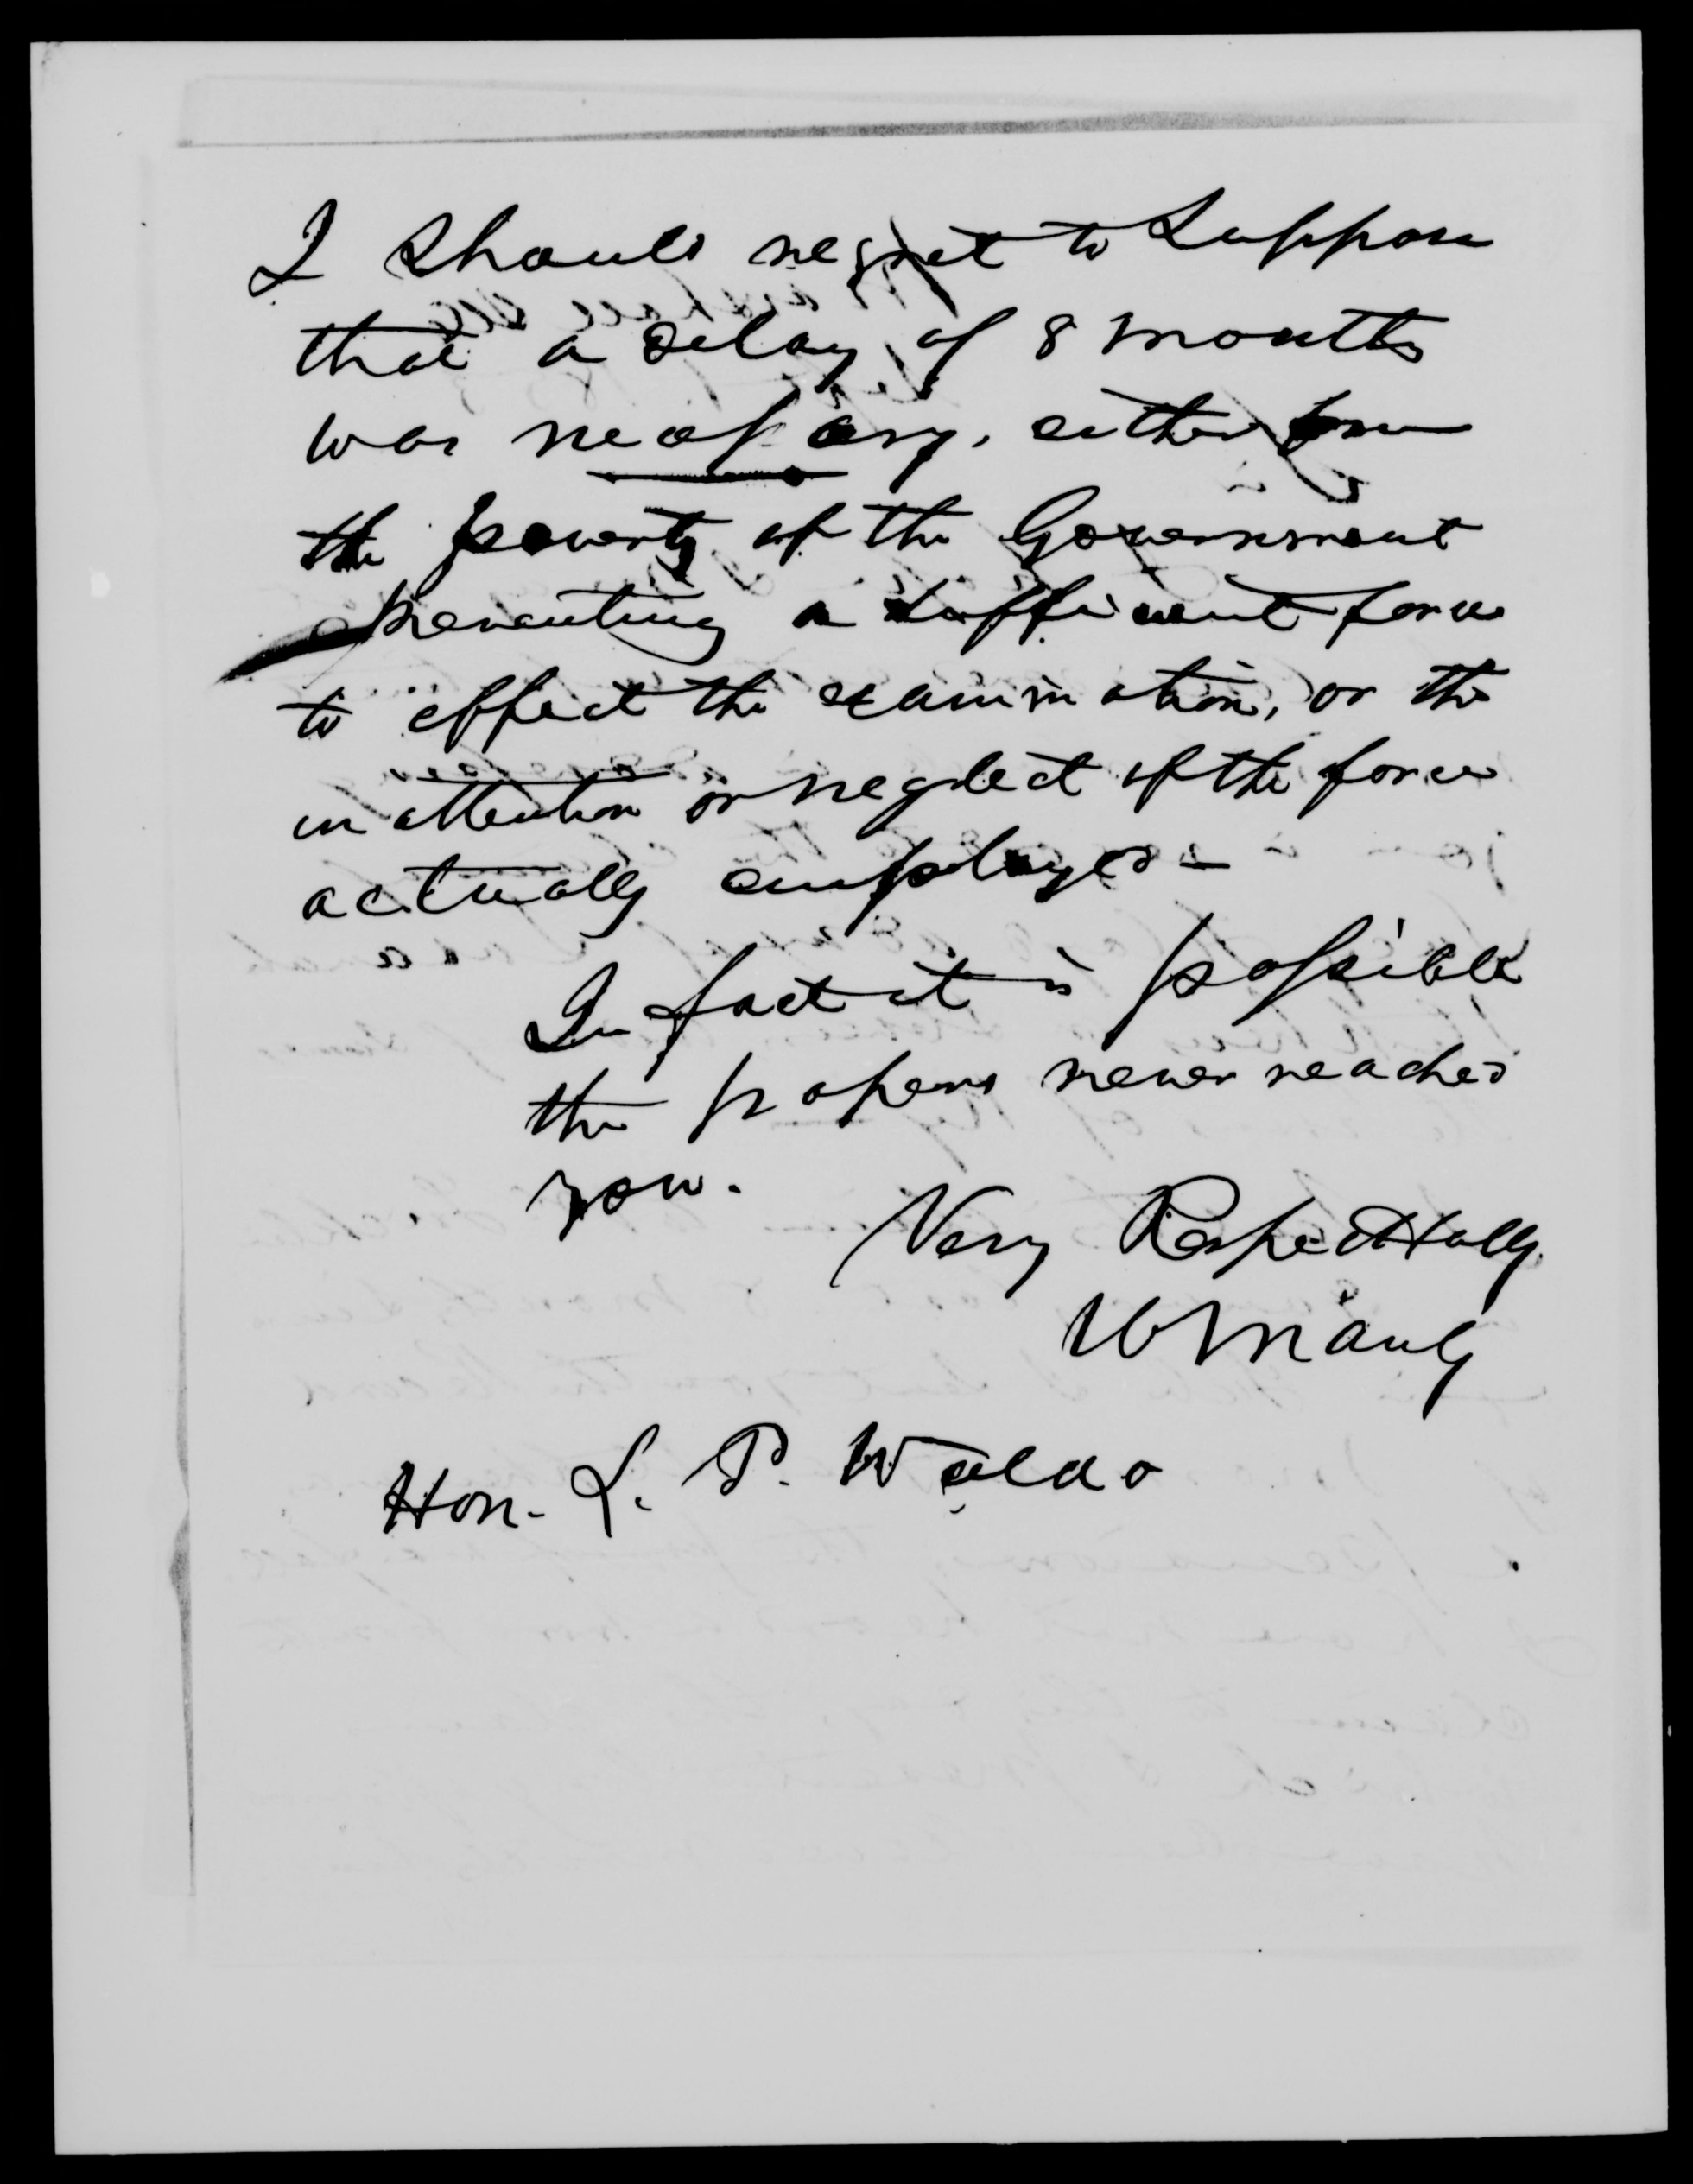I should regret to suppose
that a delay of 8 months
was necessary, either from
the poverty of the Government
[illegible] a different force
to effect the examination, or the
inattention or neglect of the force
actually employed - 
In fact it is possible
the papers never reached 
you.
Very Respectfully
U Manly
Hon. L. P. Waldo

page: 63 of 99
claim: widow's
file: W 8766, for James Stevens, Virginia